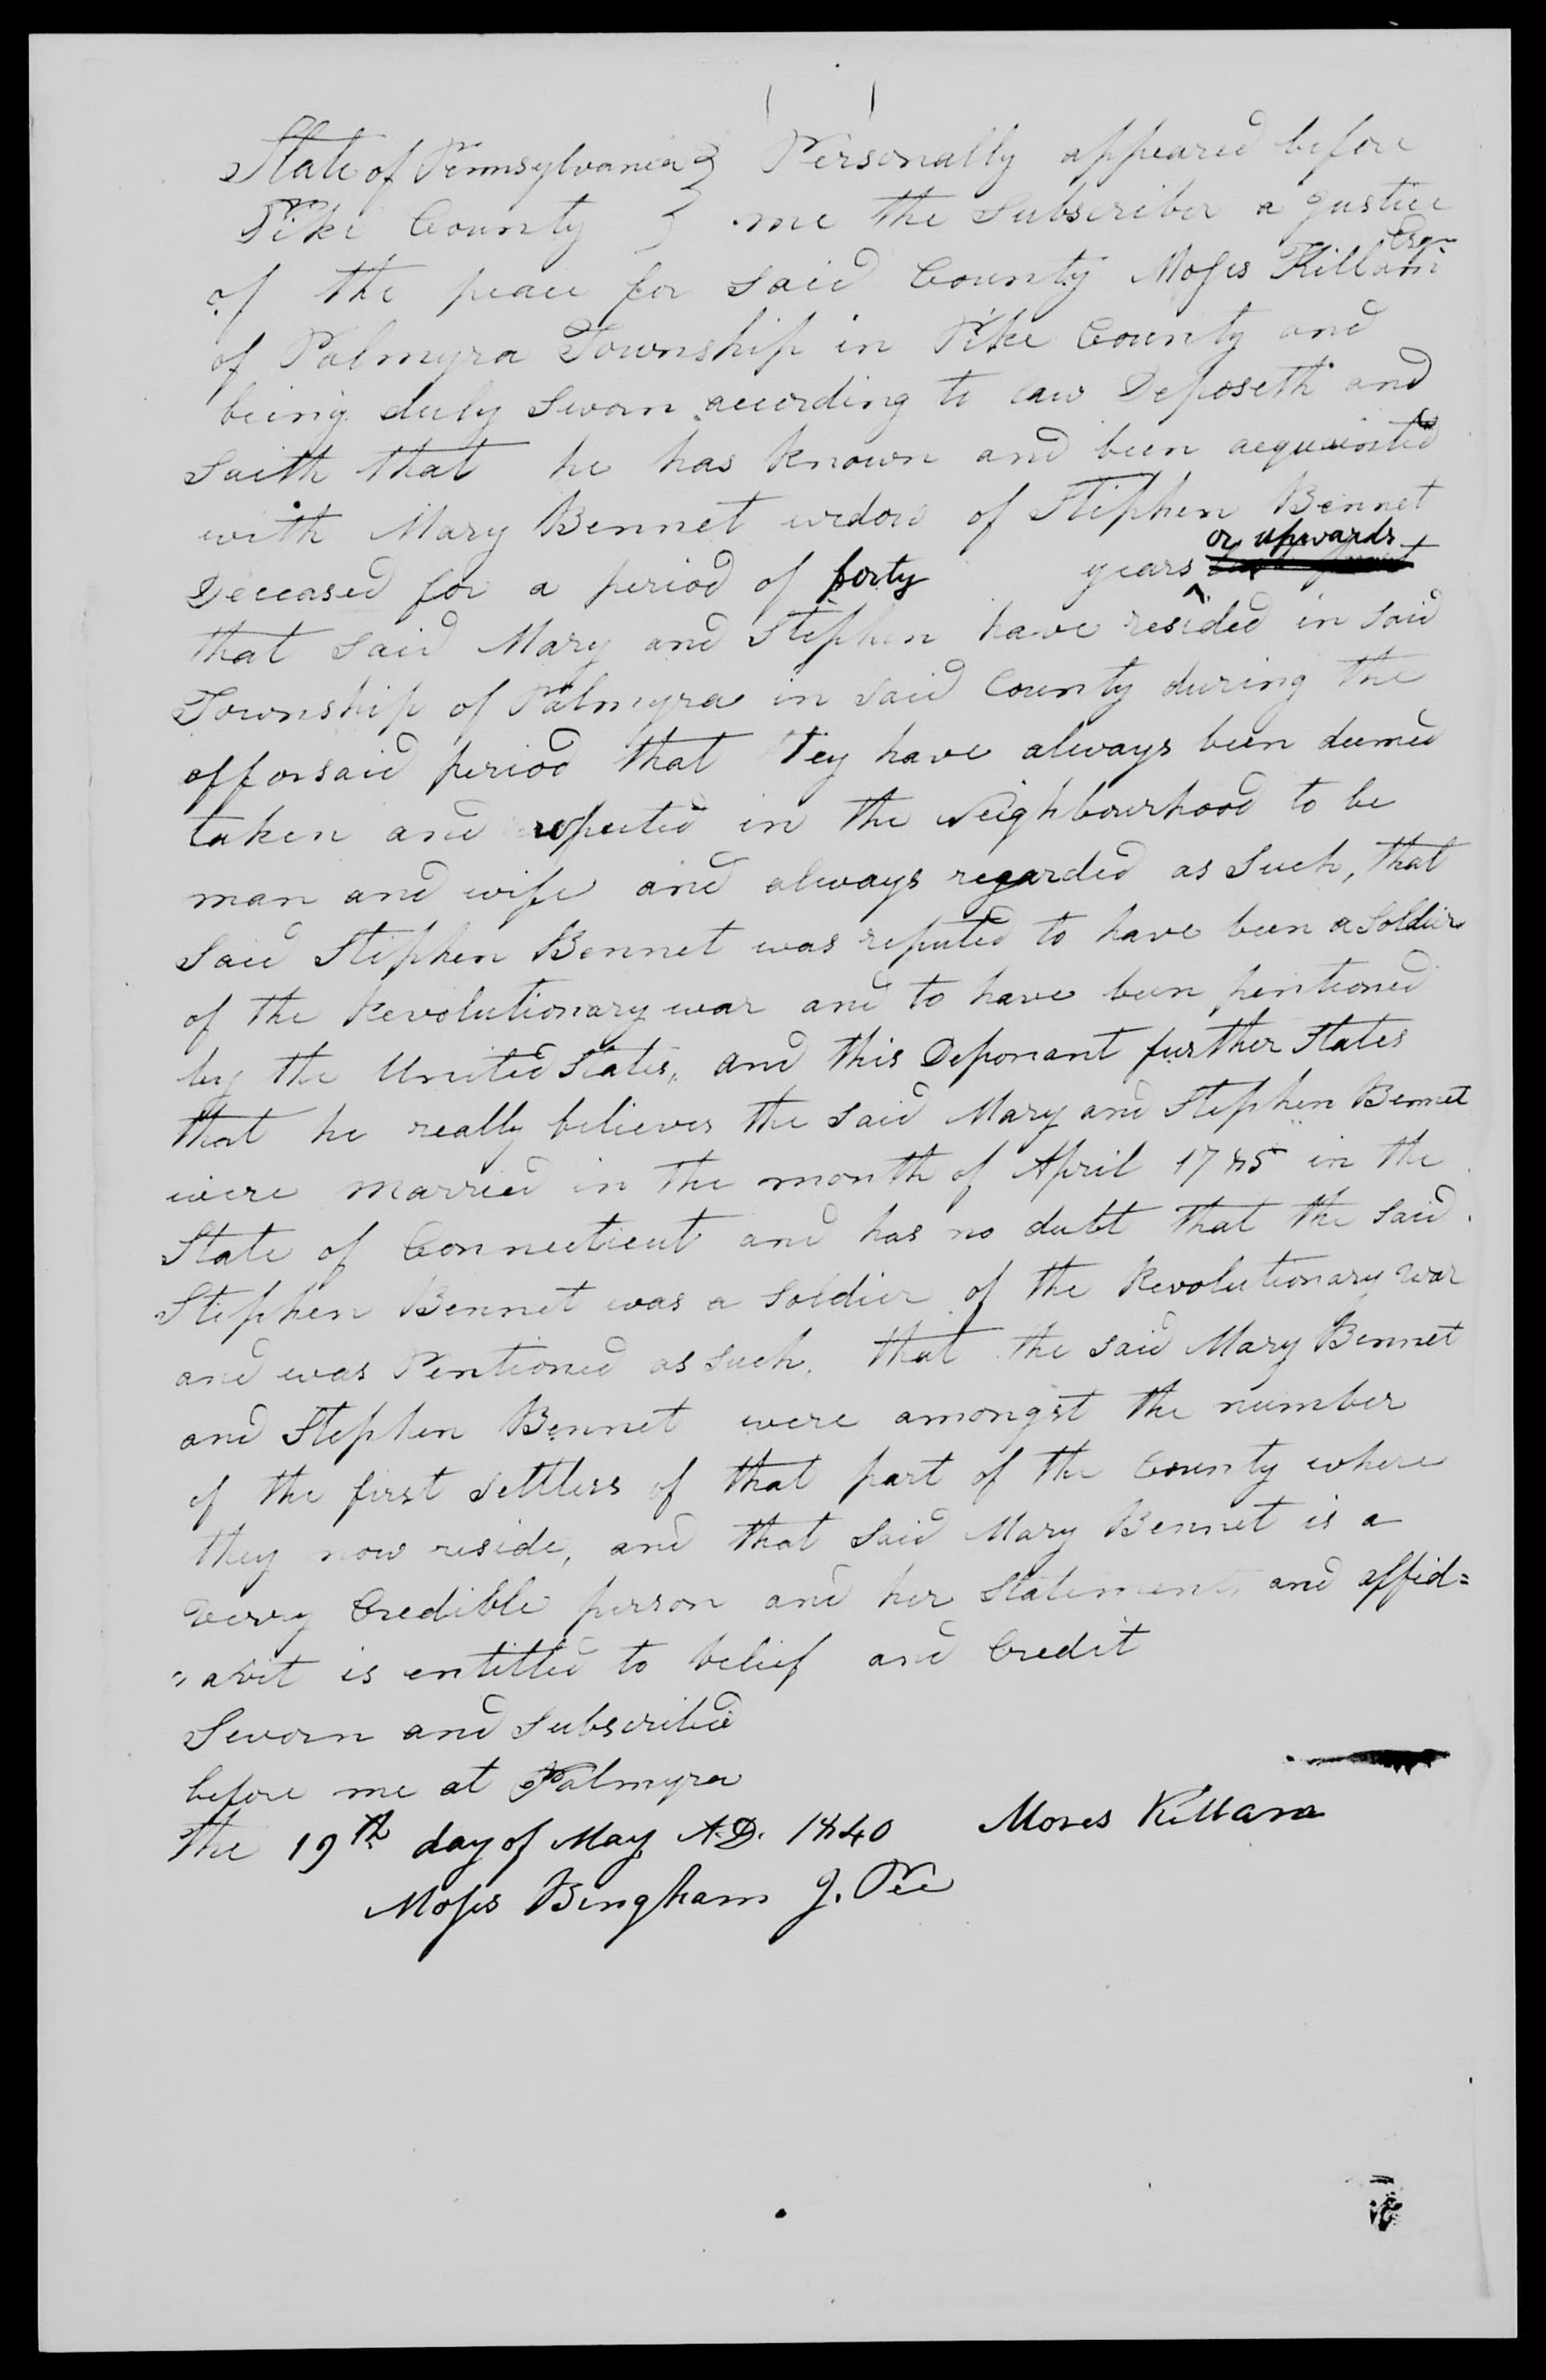State of Pennsylvania
Pike County 

Personally appeared before me the Subscriber a Justice 
of the Peace for said County Moses Killam
of Palmyra Township in Pike County and 
being duly sworn according to law deposeth and
faith that he has known and been acquainted 
with Mary Bennet widow of Stephen Bennet
deceased for a period of forty years or upwards
that said Mary and Stephen have resided in said 
Township of Palmyra in said County during the
aforesaid period that [illegible] have always been deemed
taken and [illegible] in the neighborhood to the 
man and wife and always regarded as such, that
said Stephen Bennet was reputed to have been a soldier
of the Revolutionary war and to have been pentioned
by the United States and this deponant further states
that he really believes the said Mary and Stephen Bennet
were married in the month of April 1785 in the 
State of Connecticut and has no doubt that the said 
Stephen Bennet was a soldier of the Revolutionary war
and was pentioned as such. That the said Mary Bennet
and stephen Bennet were amongst the number 
of the first settlers of that part of the county where
they now reside, and that said Mary Bennet is a 
very credible person and her statement and affid-
avit is entitled to belief and credit.
Sworn and Subscribed
before me at Palmyra
the 19th day of may A.A. 1840
Moses Killam
Moses Bingham J.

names: Mary Bennet, Moses Killam, Mary Bennet, Moses Killam, Stephen Bennet, Stephen Bennet, Stephen Bennet, Stephen Bennet, Stephen, Stephen Bennet, Mary, Moses Bingham, Mary Bennet, Mary Bennet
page: 33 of 79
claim: widow's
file: W. 2,906, Stephen Bennet, Conn.